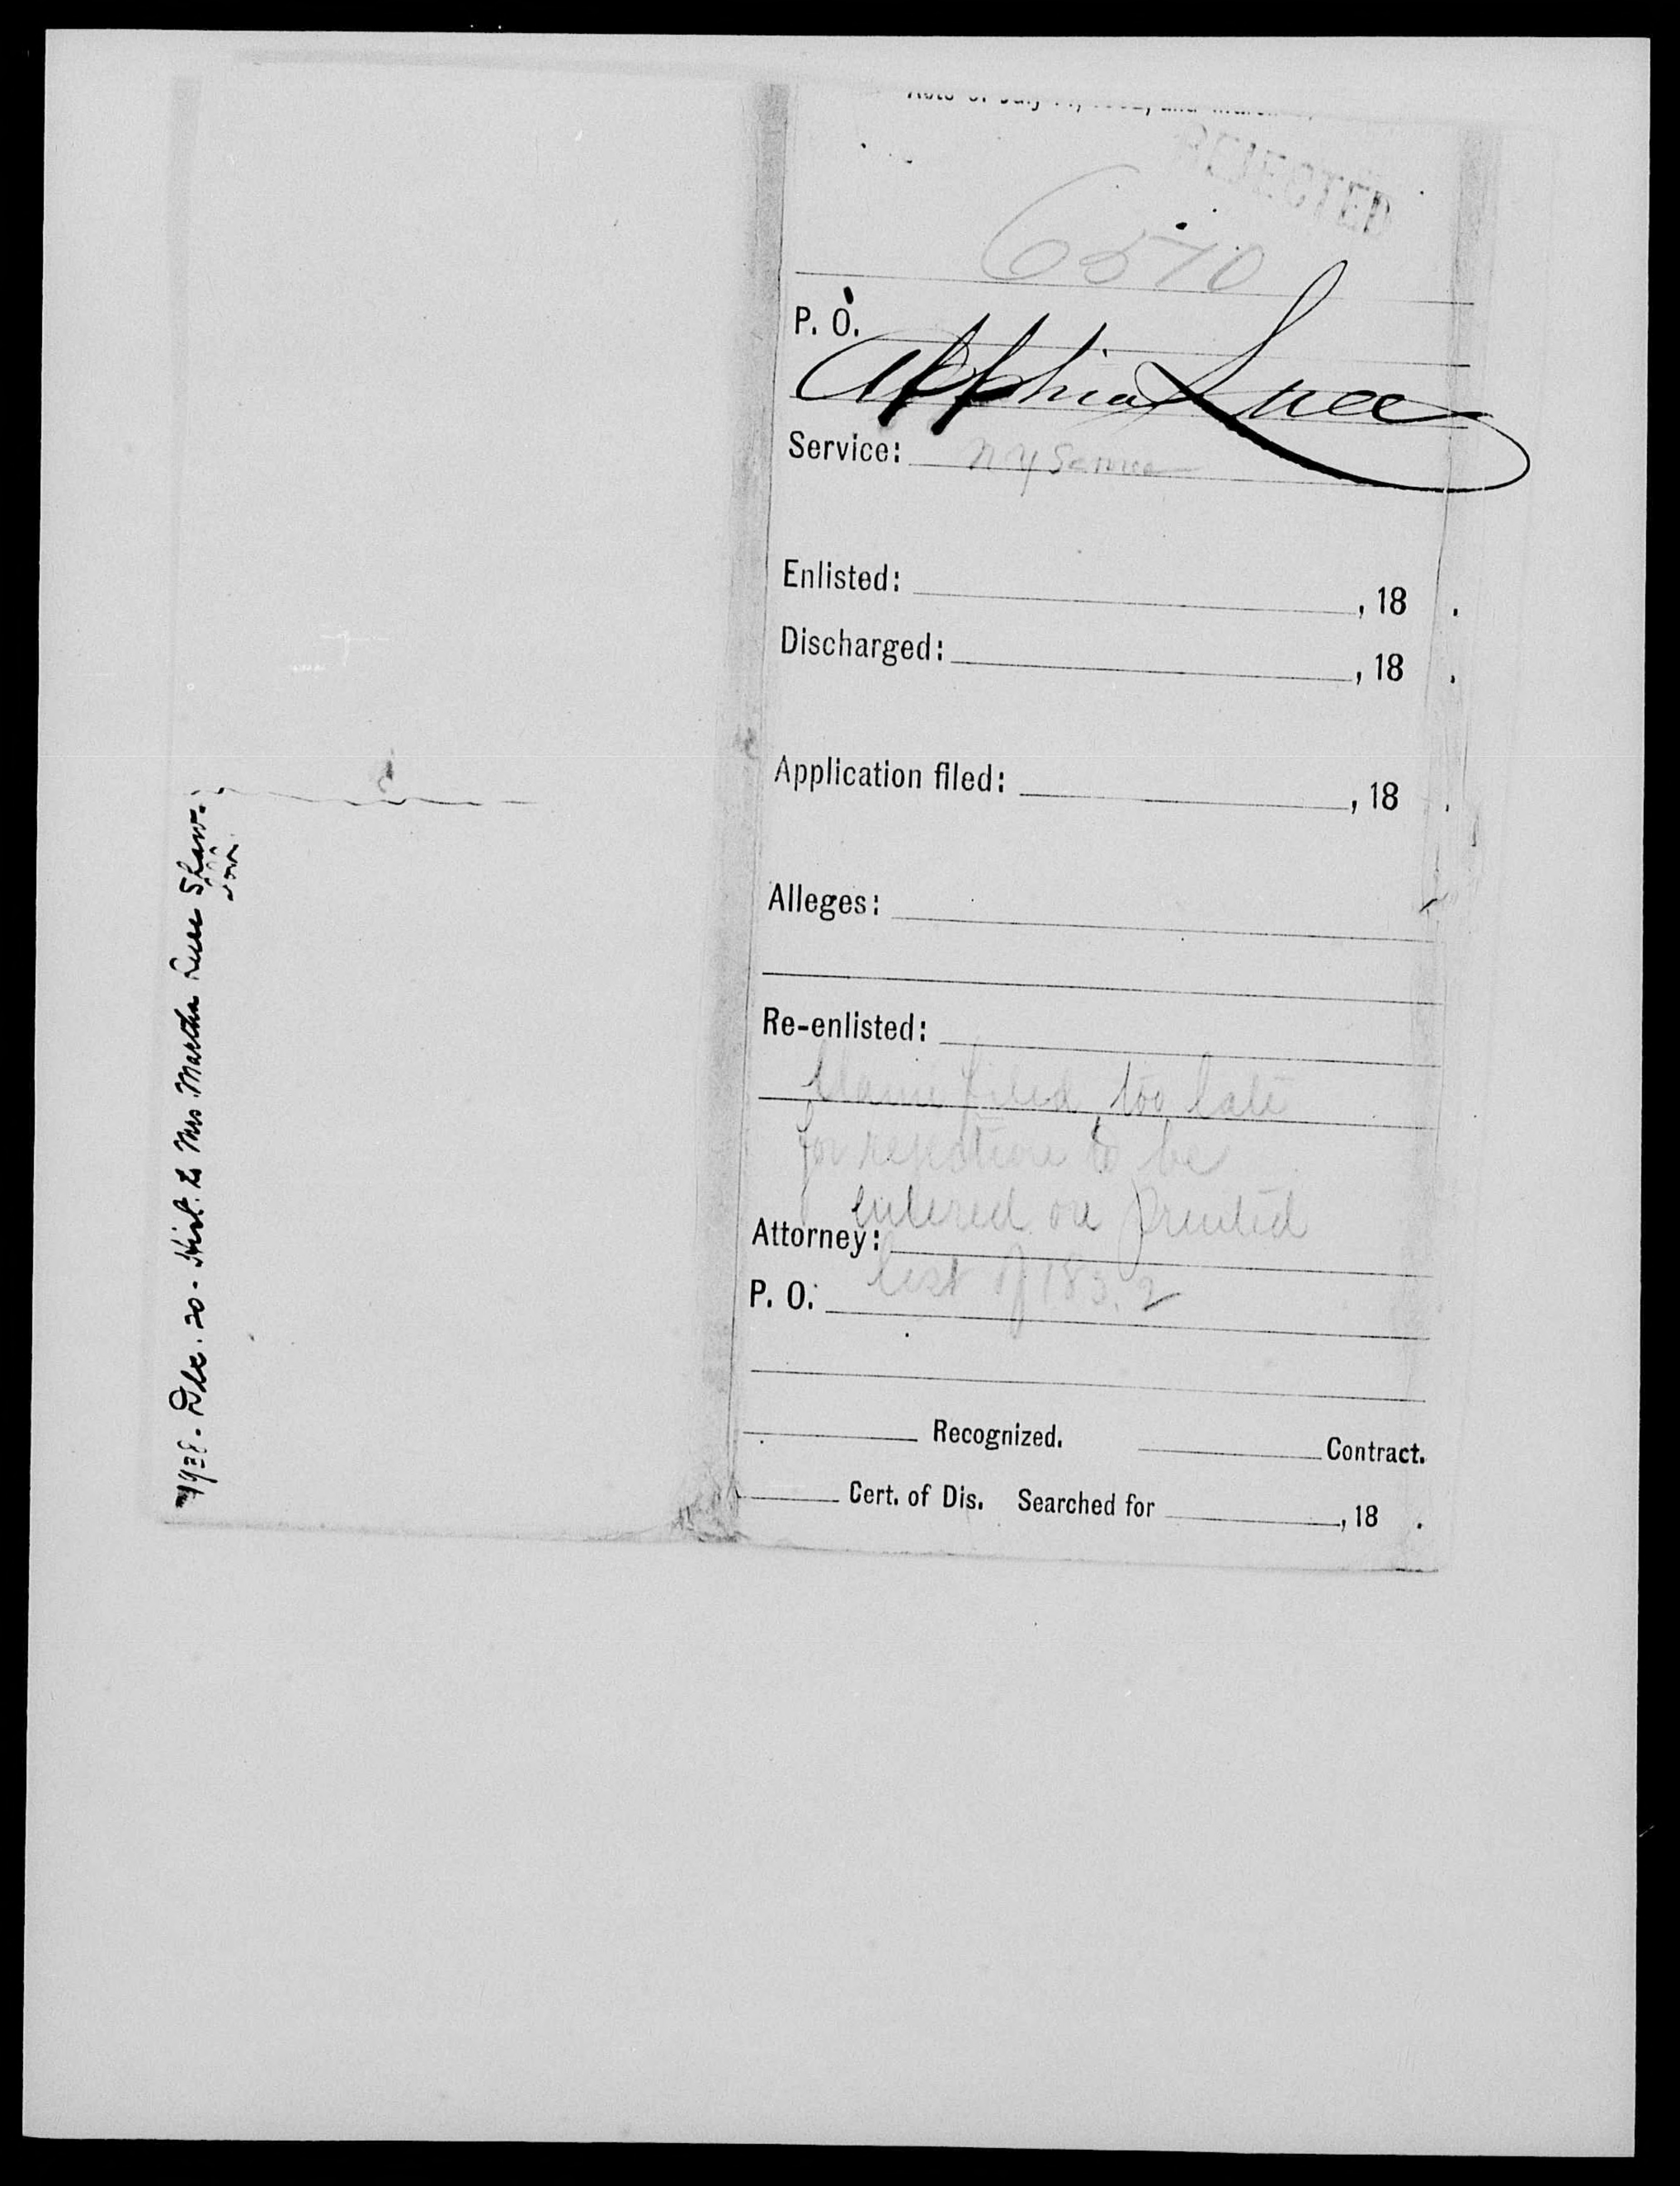[stamped] REJECTED

Apphia Luce
Service:  NY Service

Enlisted:  [blank] , 18
Discharged:  [blank], 18

Application files:  [blank] , 18

Alleges:  [blank]

Re-enlisted:

[hand written] Claim filed too late for rejection to be entered on printed list of 1852

Attorney: [blank]
P.O. [blank]

[blank] Recognized.  [blank] Contract.
[blank] Cert of Dis.  Searched for [blank], 18

[handwritten on the side] 1938 Dec 20 - Hist to Mrs Martha Luce Shaw  DAR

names: Martha Luce Shaw; Apphia Luce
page: 42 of 70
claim: rejected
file: R. 6510, for Israel Luce, New York